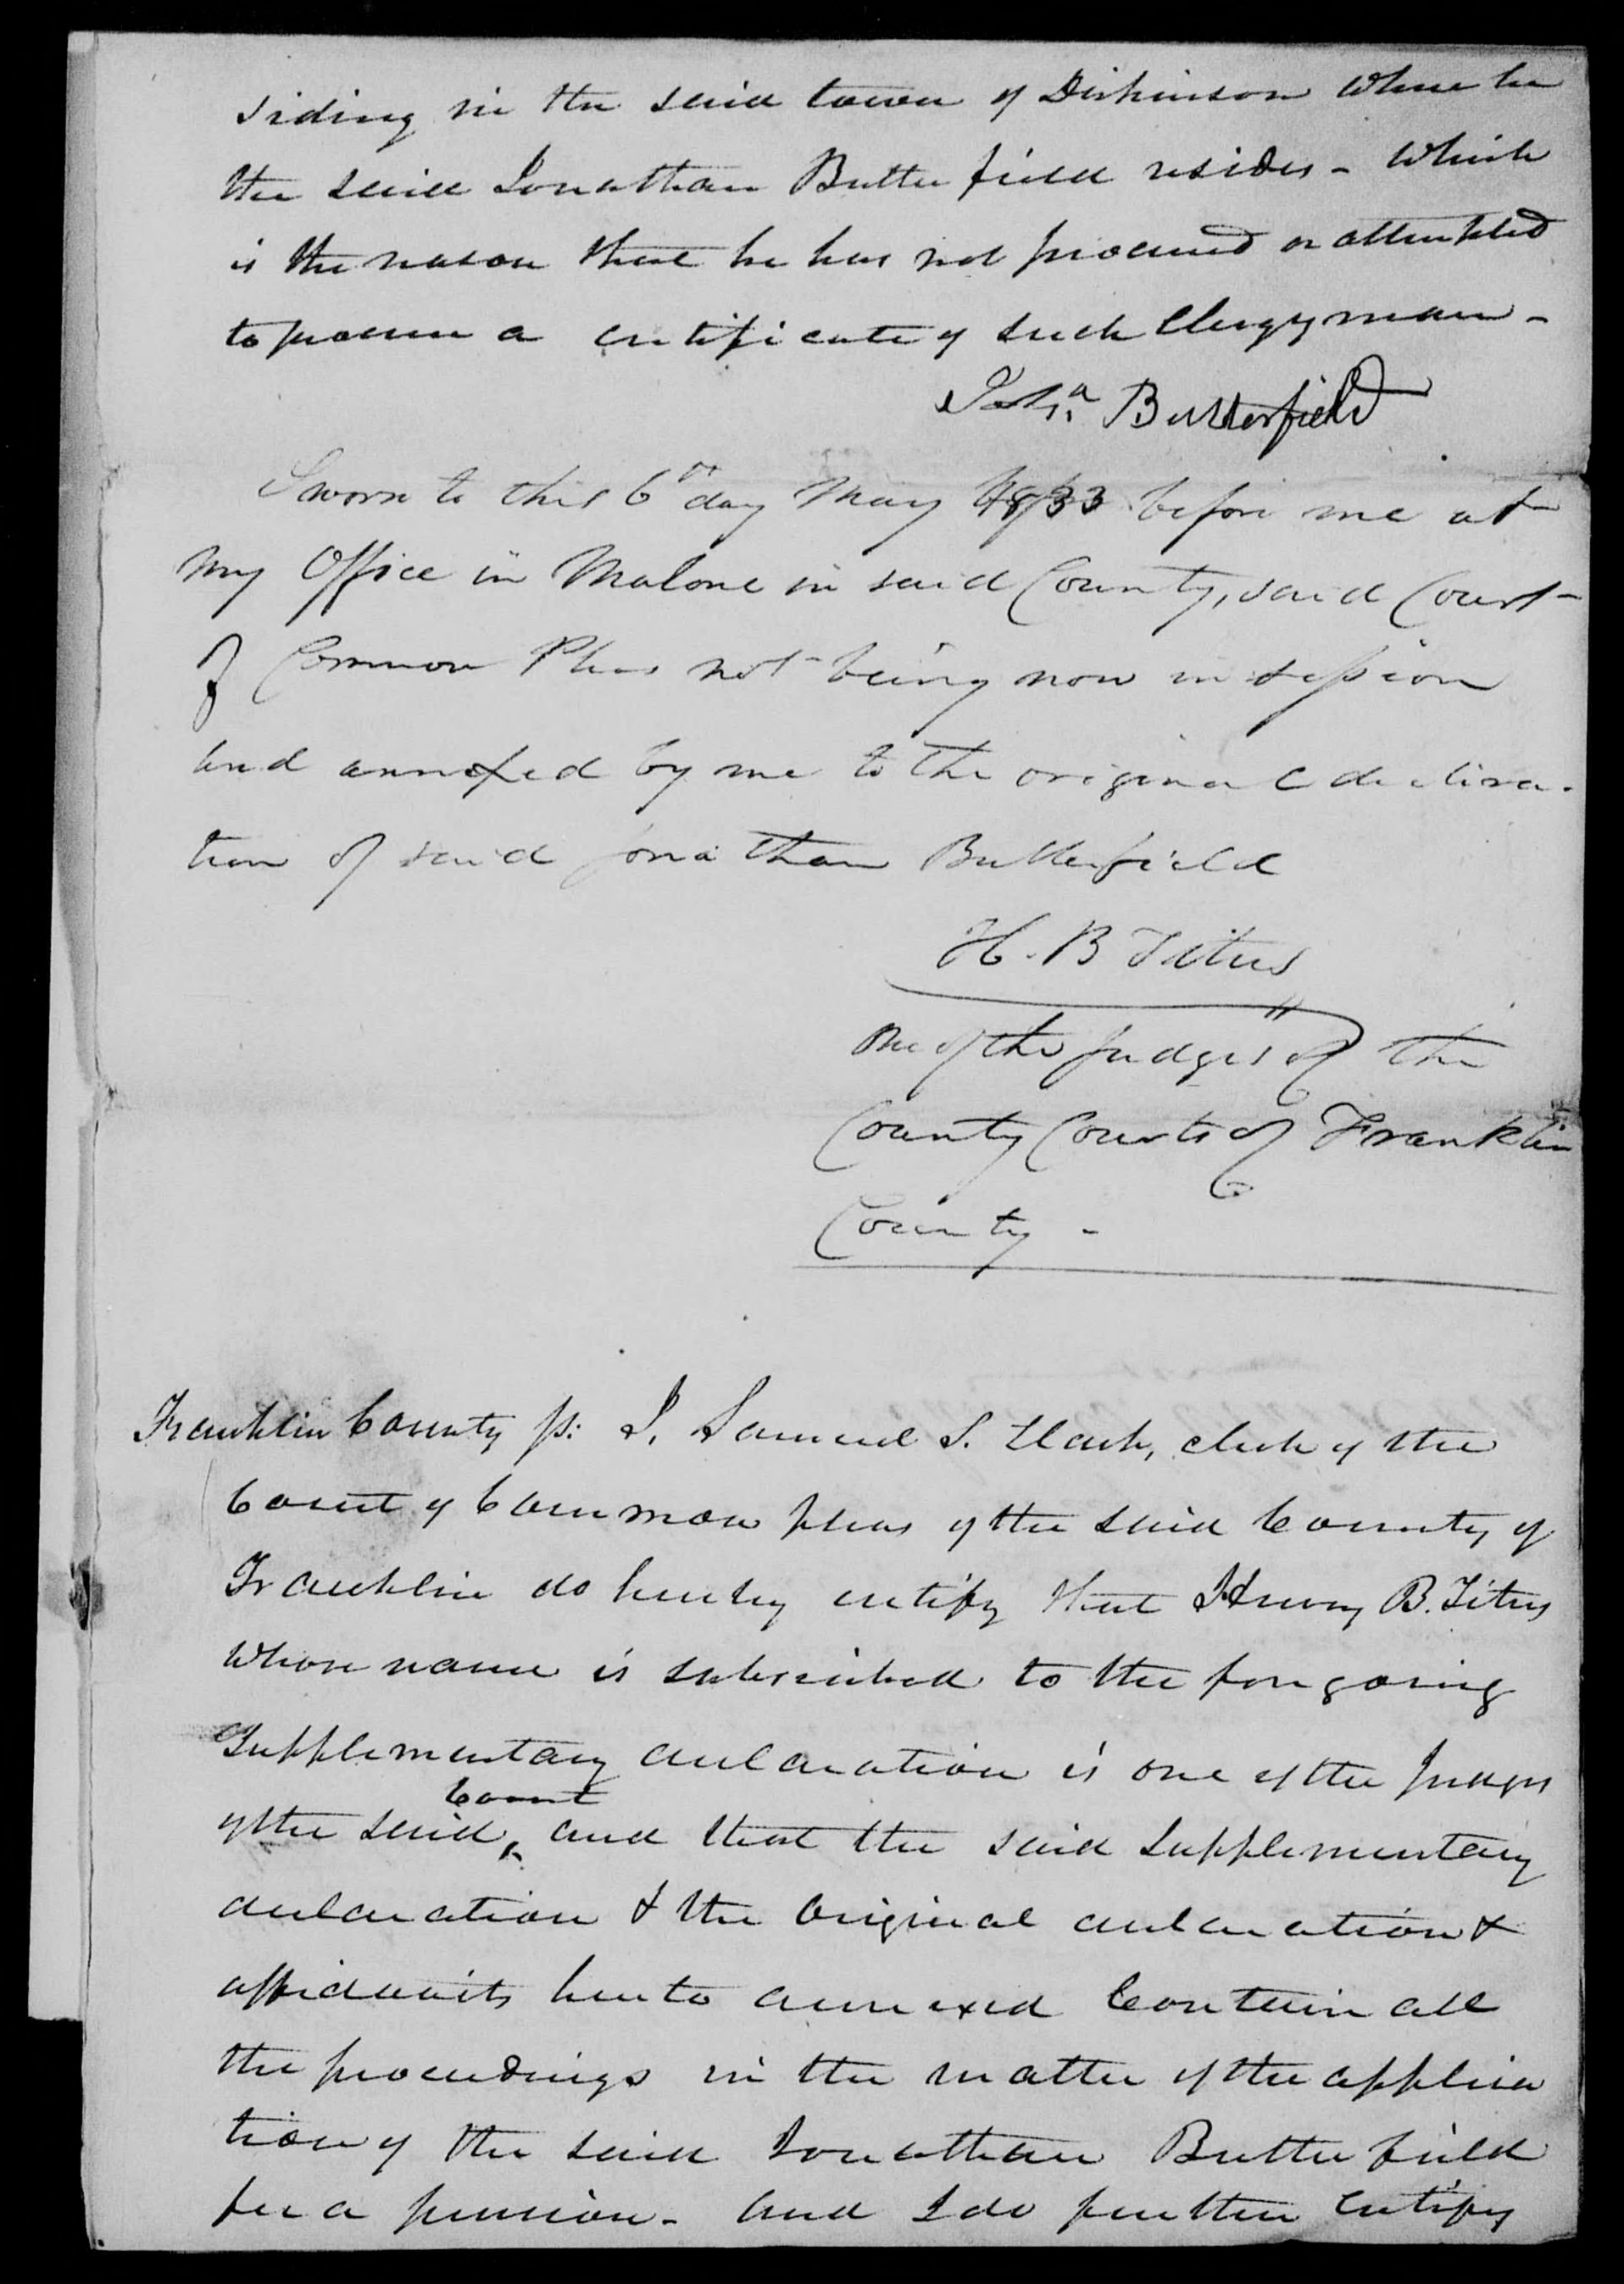siding in the said town of Dickinson where he
the said Jonathan Butterfield resides-- which
is the reason that he has not procured or attempted to procure a certificate of such Clergyman
                     Jonthan Butterfield

Sworn to this 6th day May 1883 before me at
my Office in Malone in said County, said Court
of Common not being now in session and annexed by me to the original declaration of said Jonathan Butterfield
H. B Titus
One the of the Judges of the County Court of Franklin County
.
Franklin County ss. 
I, Samuel S. Mack, Clerk of the
Court of Common pleas of the said County of
Franklin do hereby certify that Henry B. Titus
whose name is subscribed to the foregoing
Supplementary declaration is one of the Judges
of the said Court and that the said Supplementary declaration & the original declaration & affidavits hereto annexed contain all the proceedings in the matter of the 
application of the said Jonathan Butterfield
for a pension. and I do further certify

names: Jonathan Butterfield, H B Titus, Jona Butterfield, Jonathan Butterfield, Henry B Titus, Jonathan Butterfield, Samuel S Clark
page: 9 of 40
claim: rejected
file: R. 1558, Jonathan Butterfield, Mass. Vt.